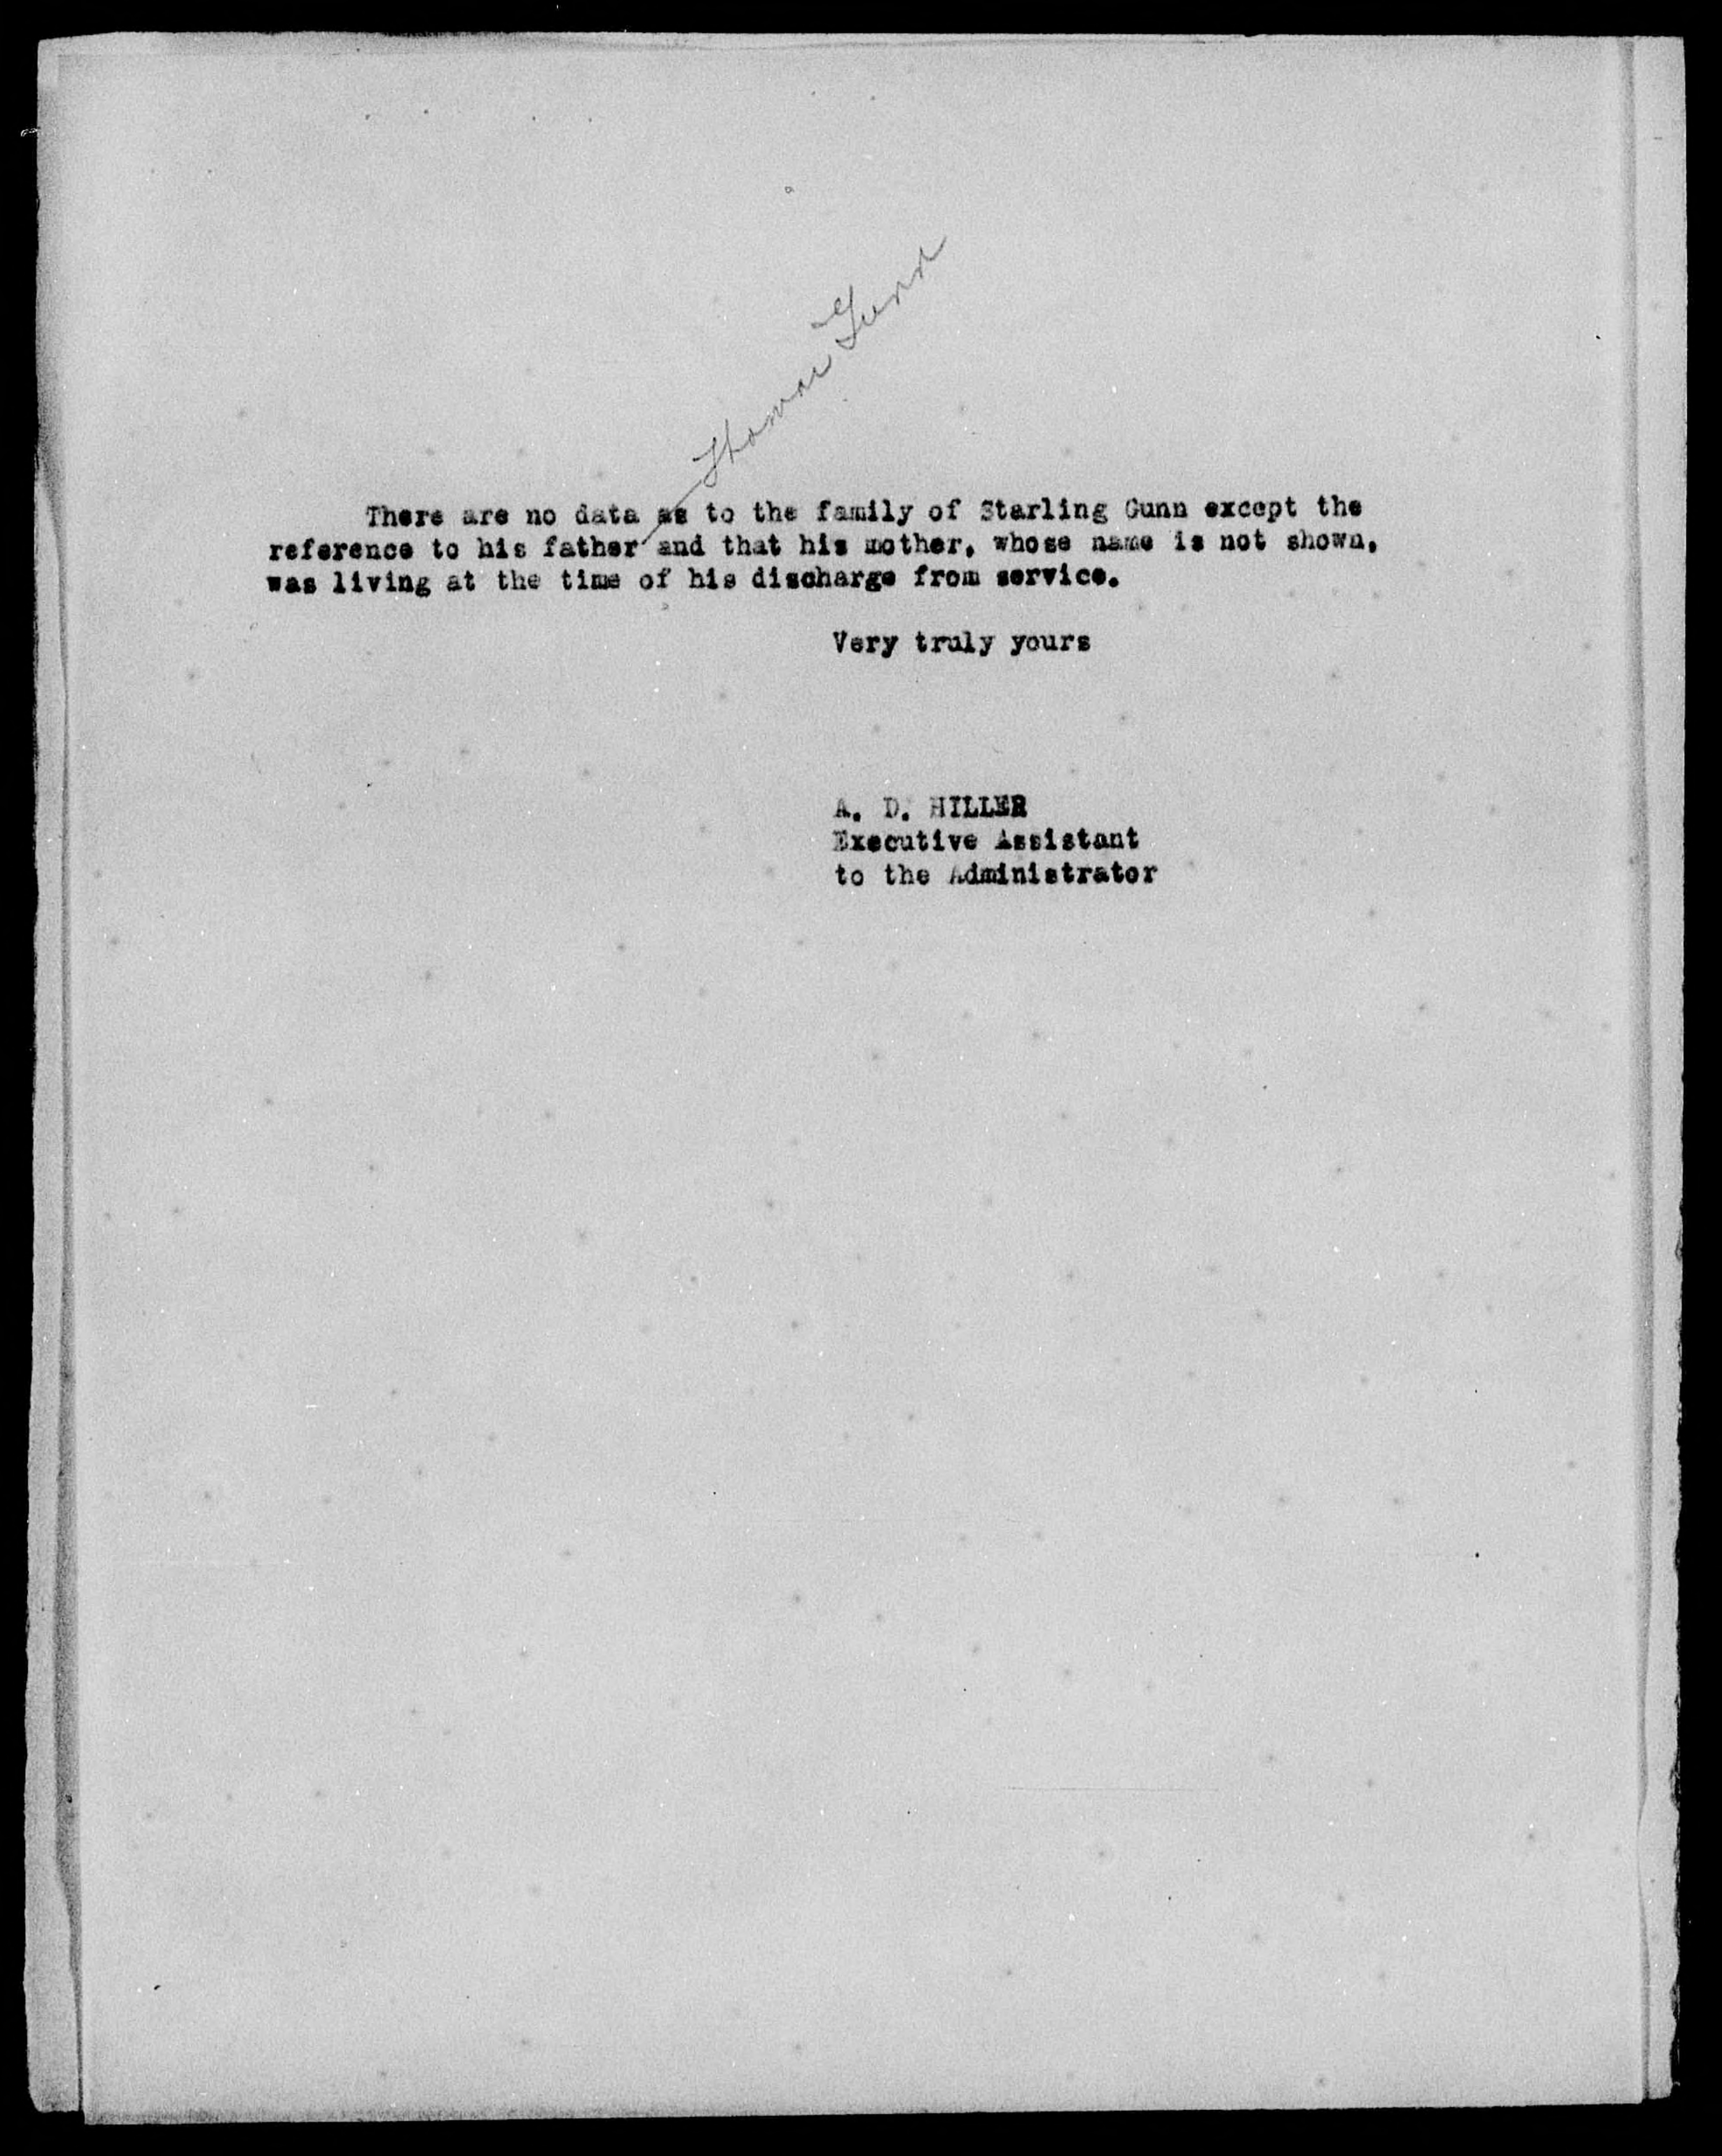There are no data as to the family of Starling Gunn except the reference to his father [Margin note: Thomas Gunn] and that his mother, whose name is not shown, was living at the time of his discharge from service.
Very truly yours
A. D. HILLER
Executive Assistant to the Administrator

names: A D Hiller, Thomas Gunn, Starling Gunn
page: 12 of 58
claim: survivor's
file: S. 6,941, Starling Gunn, Continental Va.